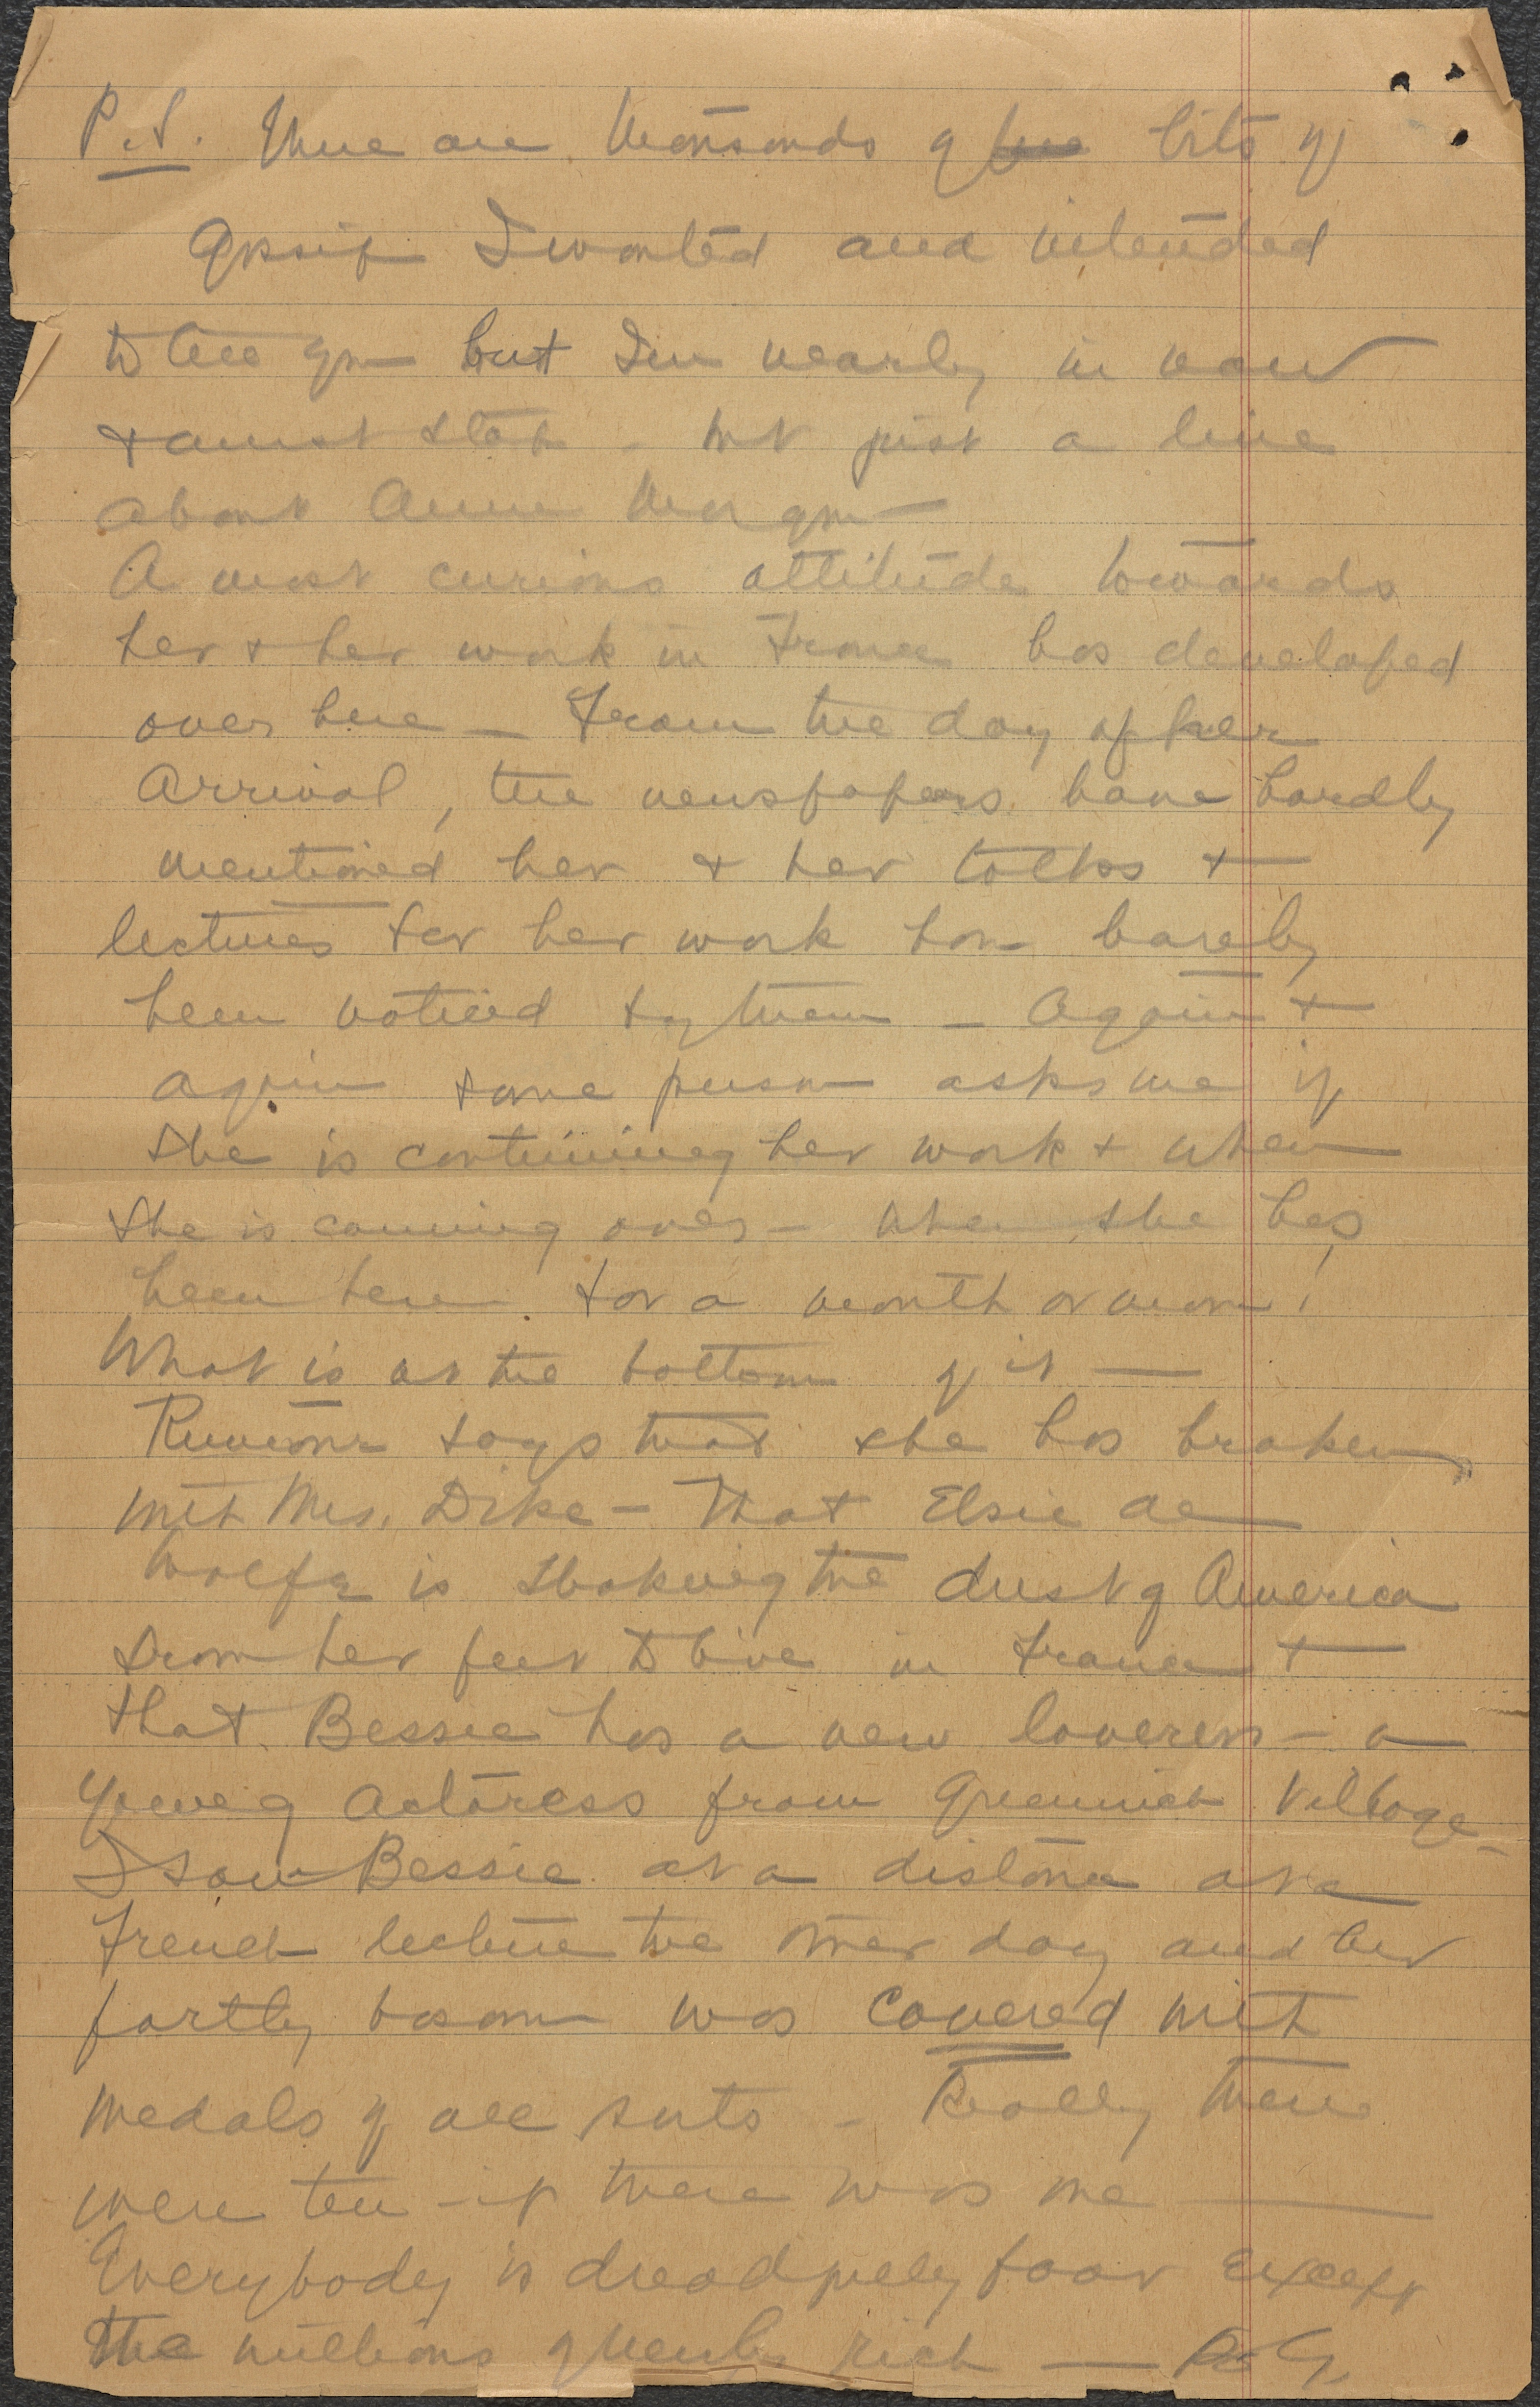P.S. There are thousands of [illegible deletion] bits of gossip I wanted and intended to tell you but Im nearly in now & must stop – but just a line about Anne Morgan –
A most curious attitude towards her & her work in France has developed over here – From the day of her arrival, the newspapers have hardly mentioned her & her talks & lectures for her work have barely been noticed by& them – Again & again some person asks me if she is continuing her work & when she is coming over – when she has been here for a month or more!
What is at the bottom of it – Rumour says that she has broken with Mrs. Dike – That Elsie de Wolfe is shaking the dust of America from her feet to live in France & that Bessie has a new loveress – a young actress from Greenwich Village. I saw Bessie at a distance at a French lecture the other day and her partly bosom was [underlined twice: covered] with medals of all sorts – Really there were ten – if there was one –
Everybody is dreadfully poor except the millions of newly rich – B.G.